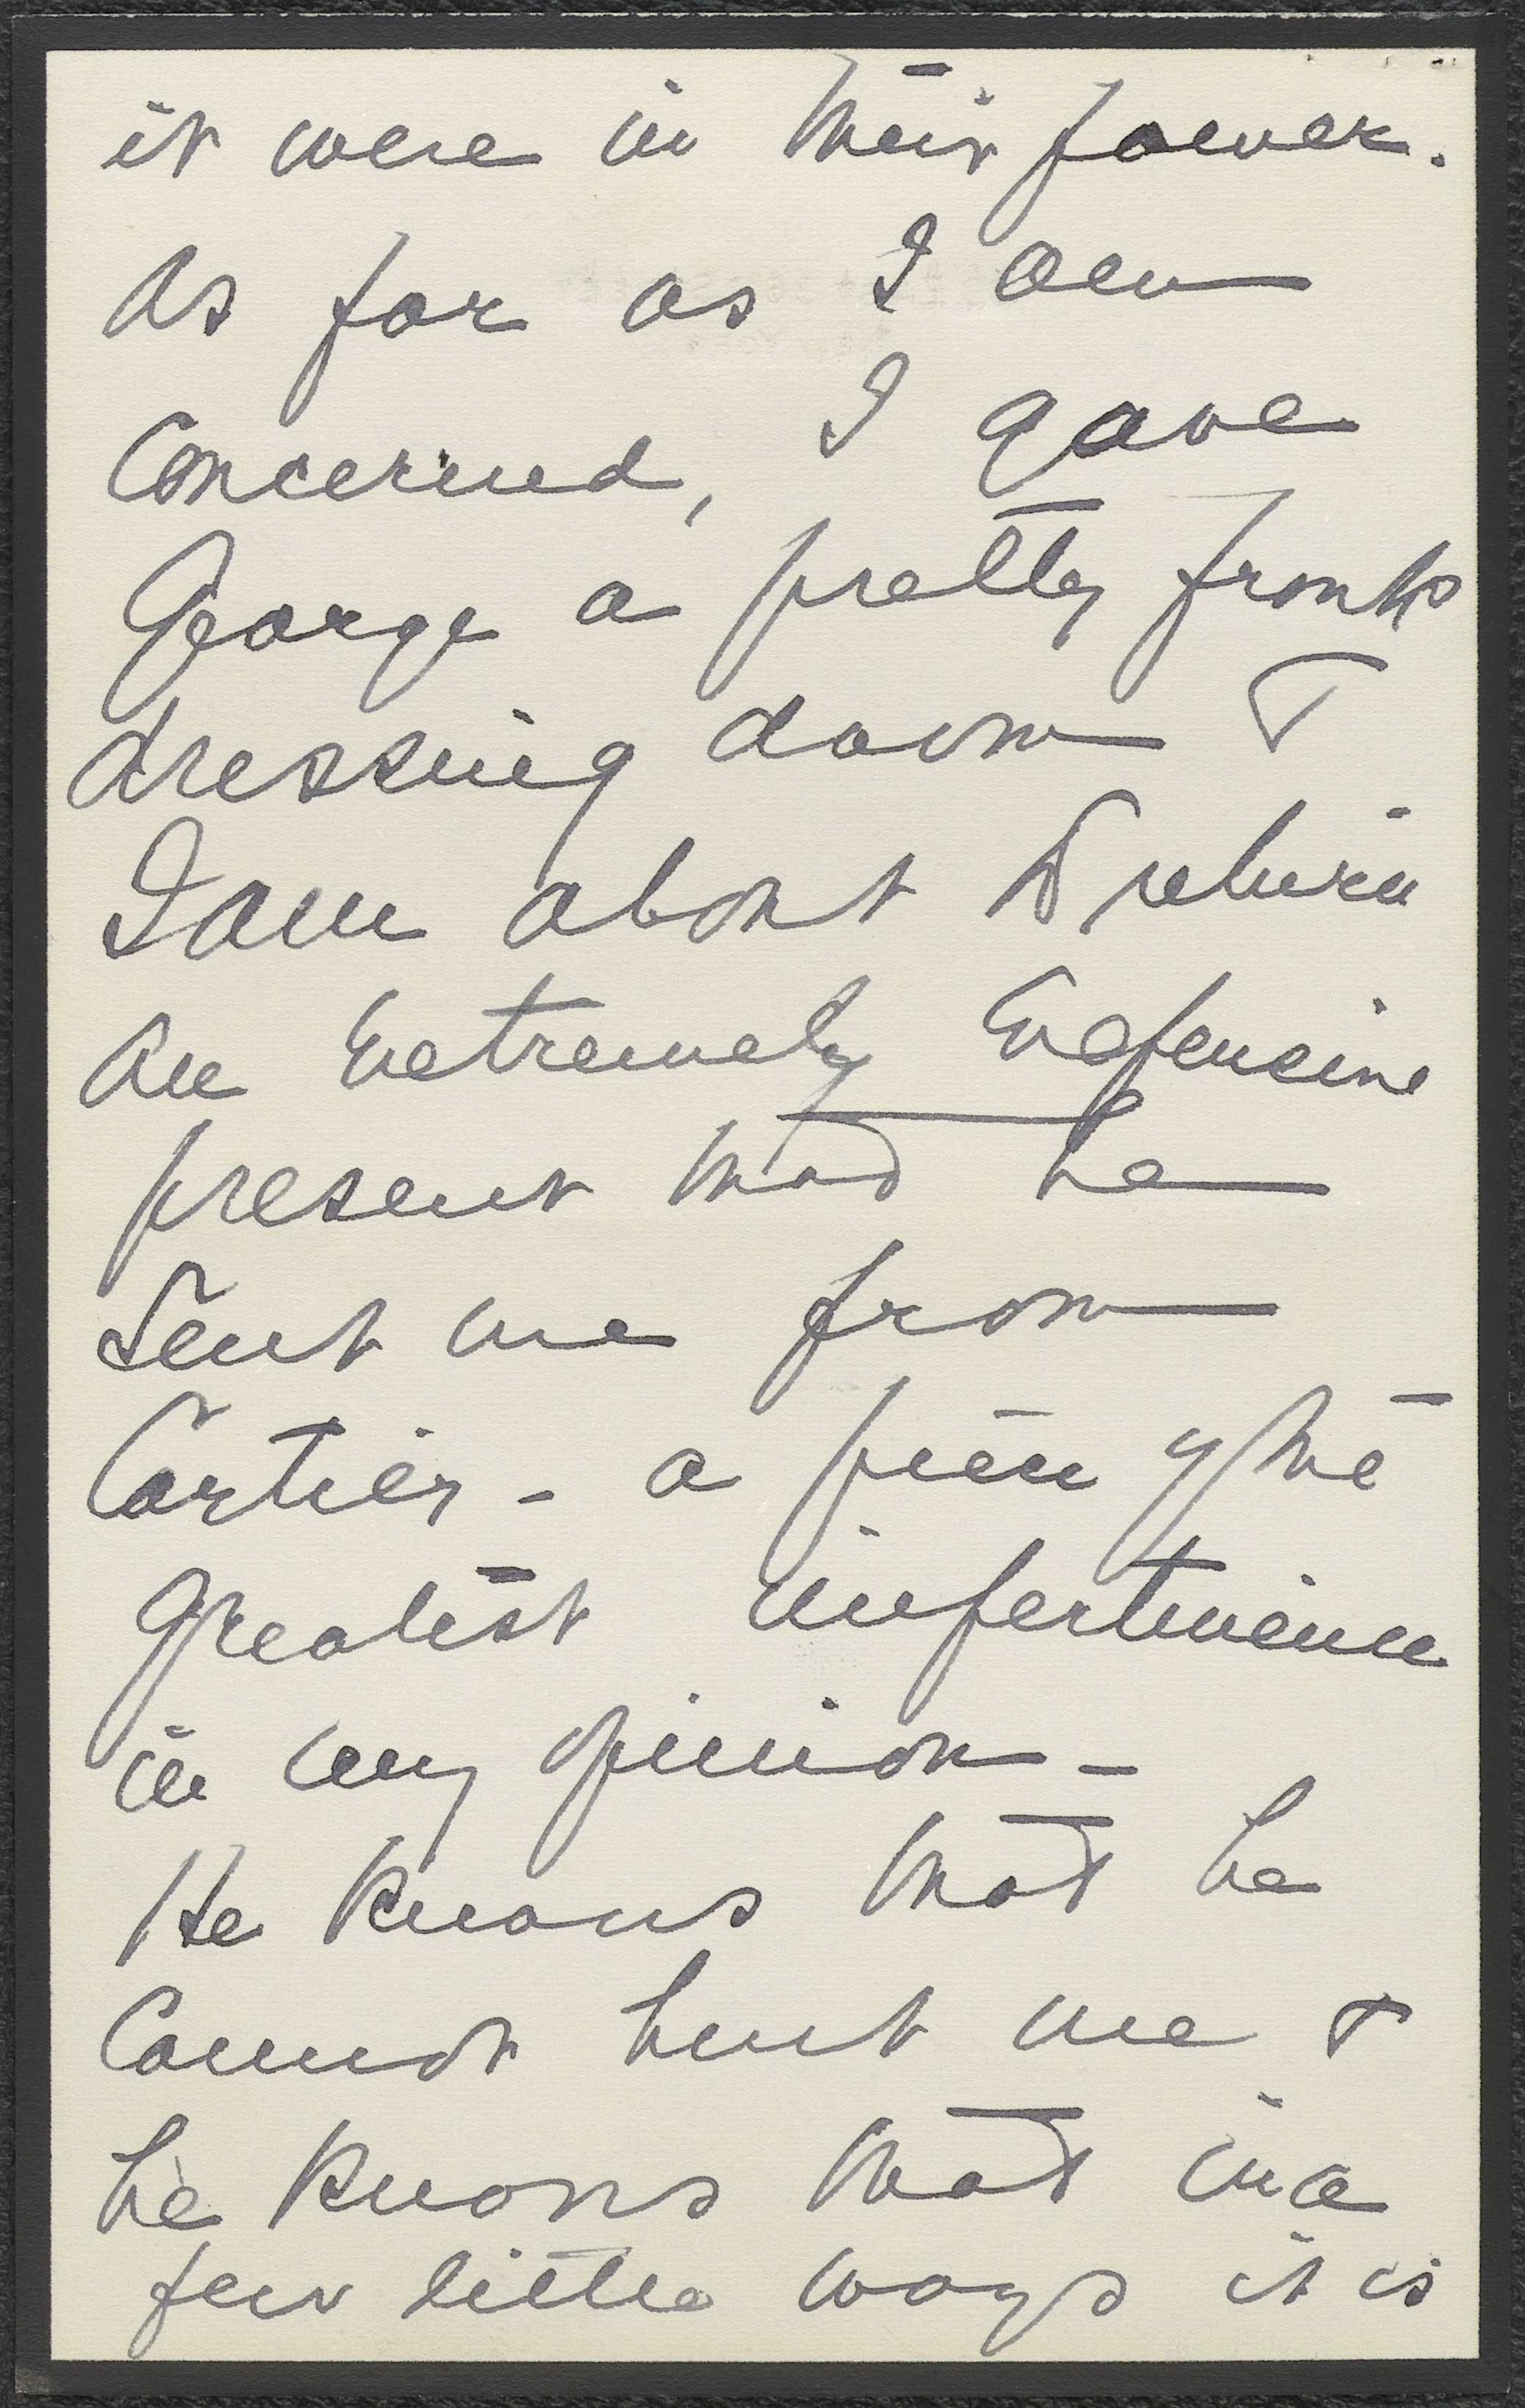it were in their power. As far as I am concerned, I gave George a pretty frank dressing down & I am about to return an extremely expensive present that he sent me from Cartier – a piece of the greatest impertinence in my opinion –
He knows that he cannot hurt me & he knows that in a few little ways it is